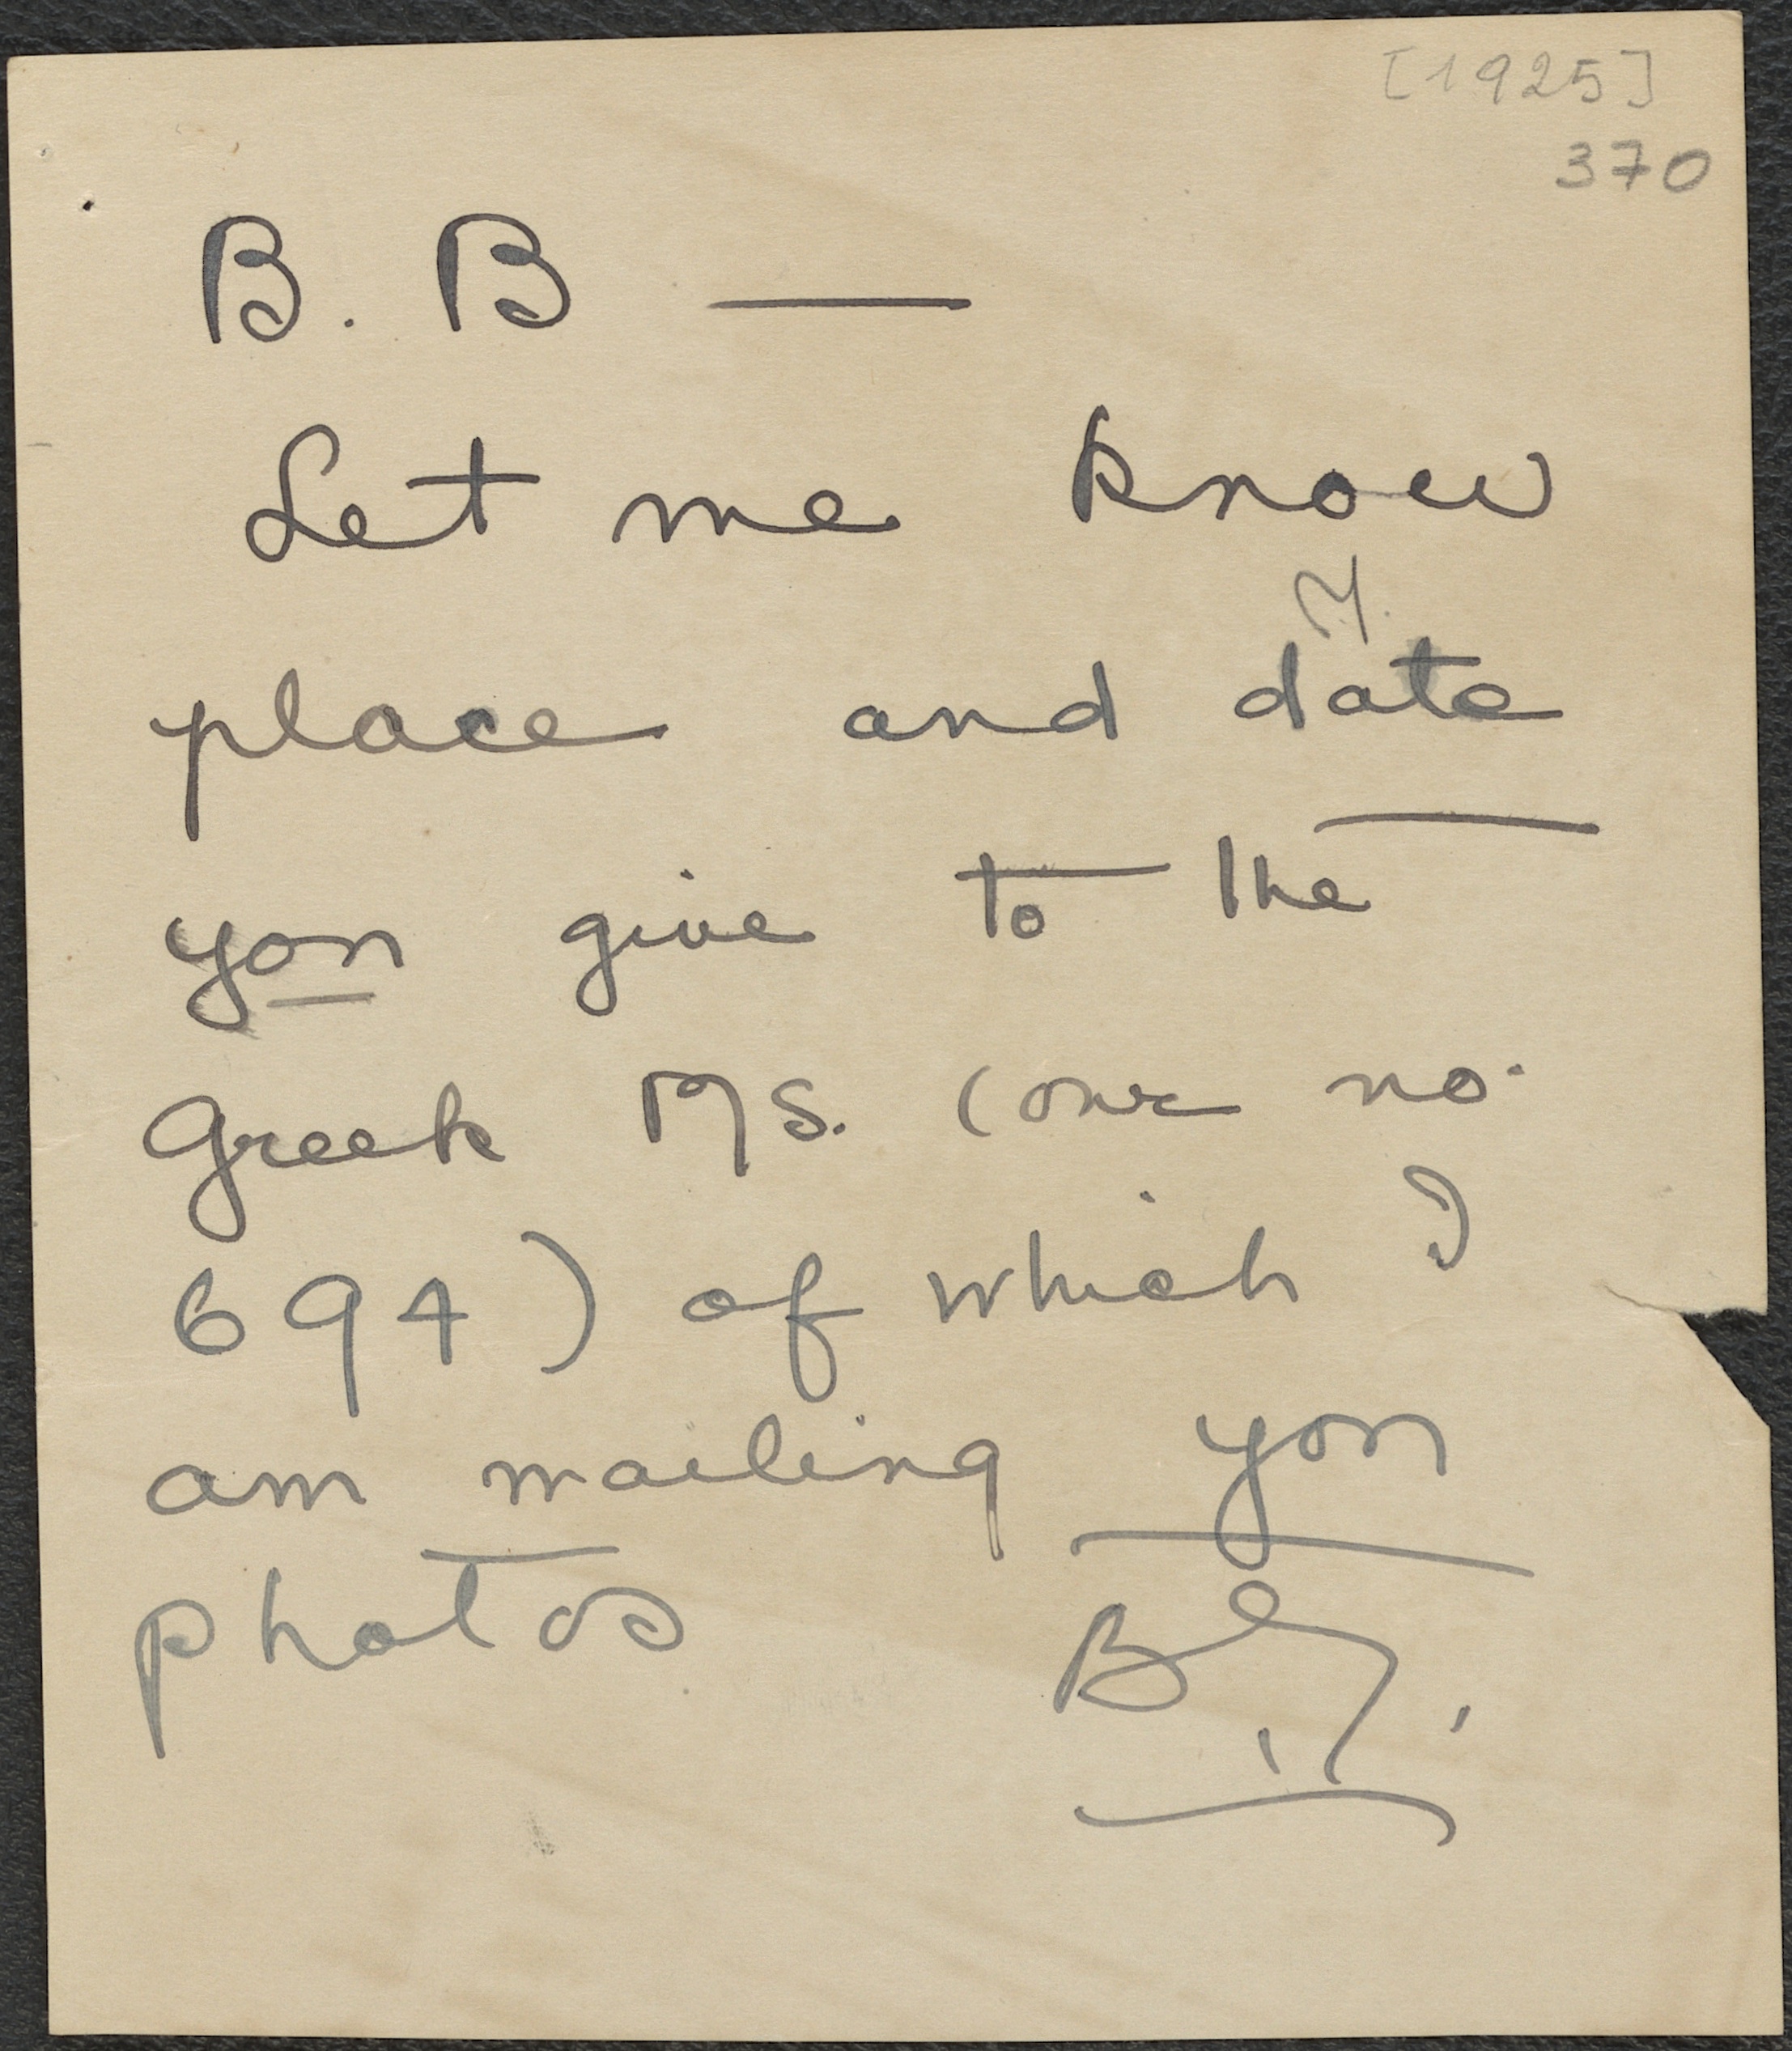B. B –
Let me know place and date you give to the Greek Ms. (our no. 694) of which I am mailing you photos
B. G.